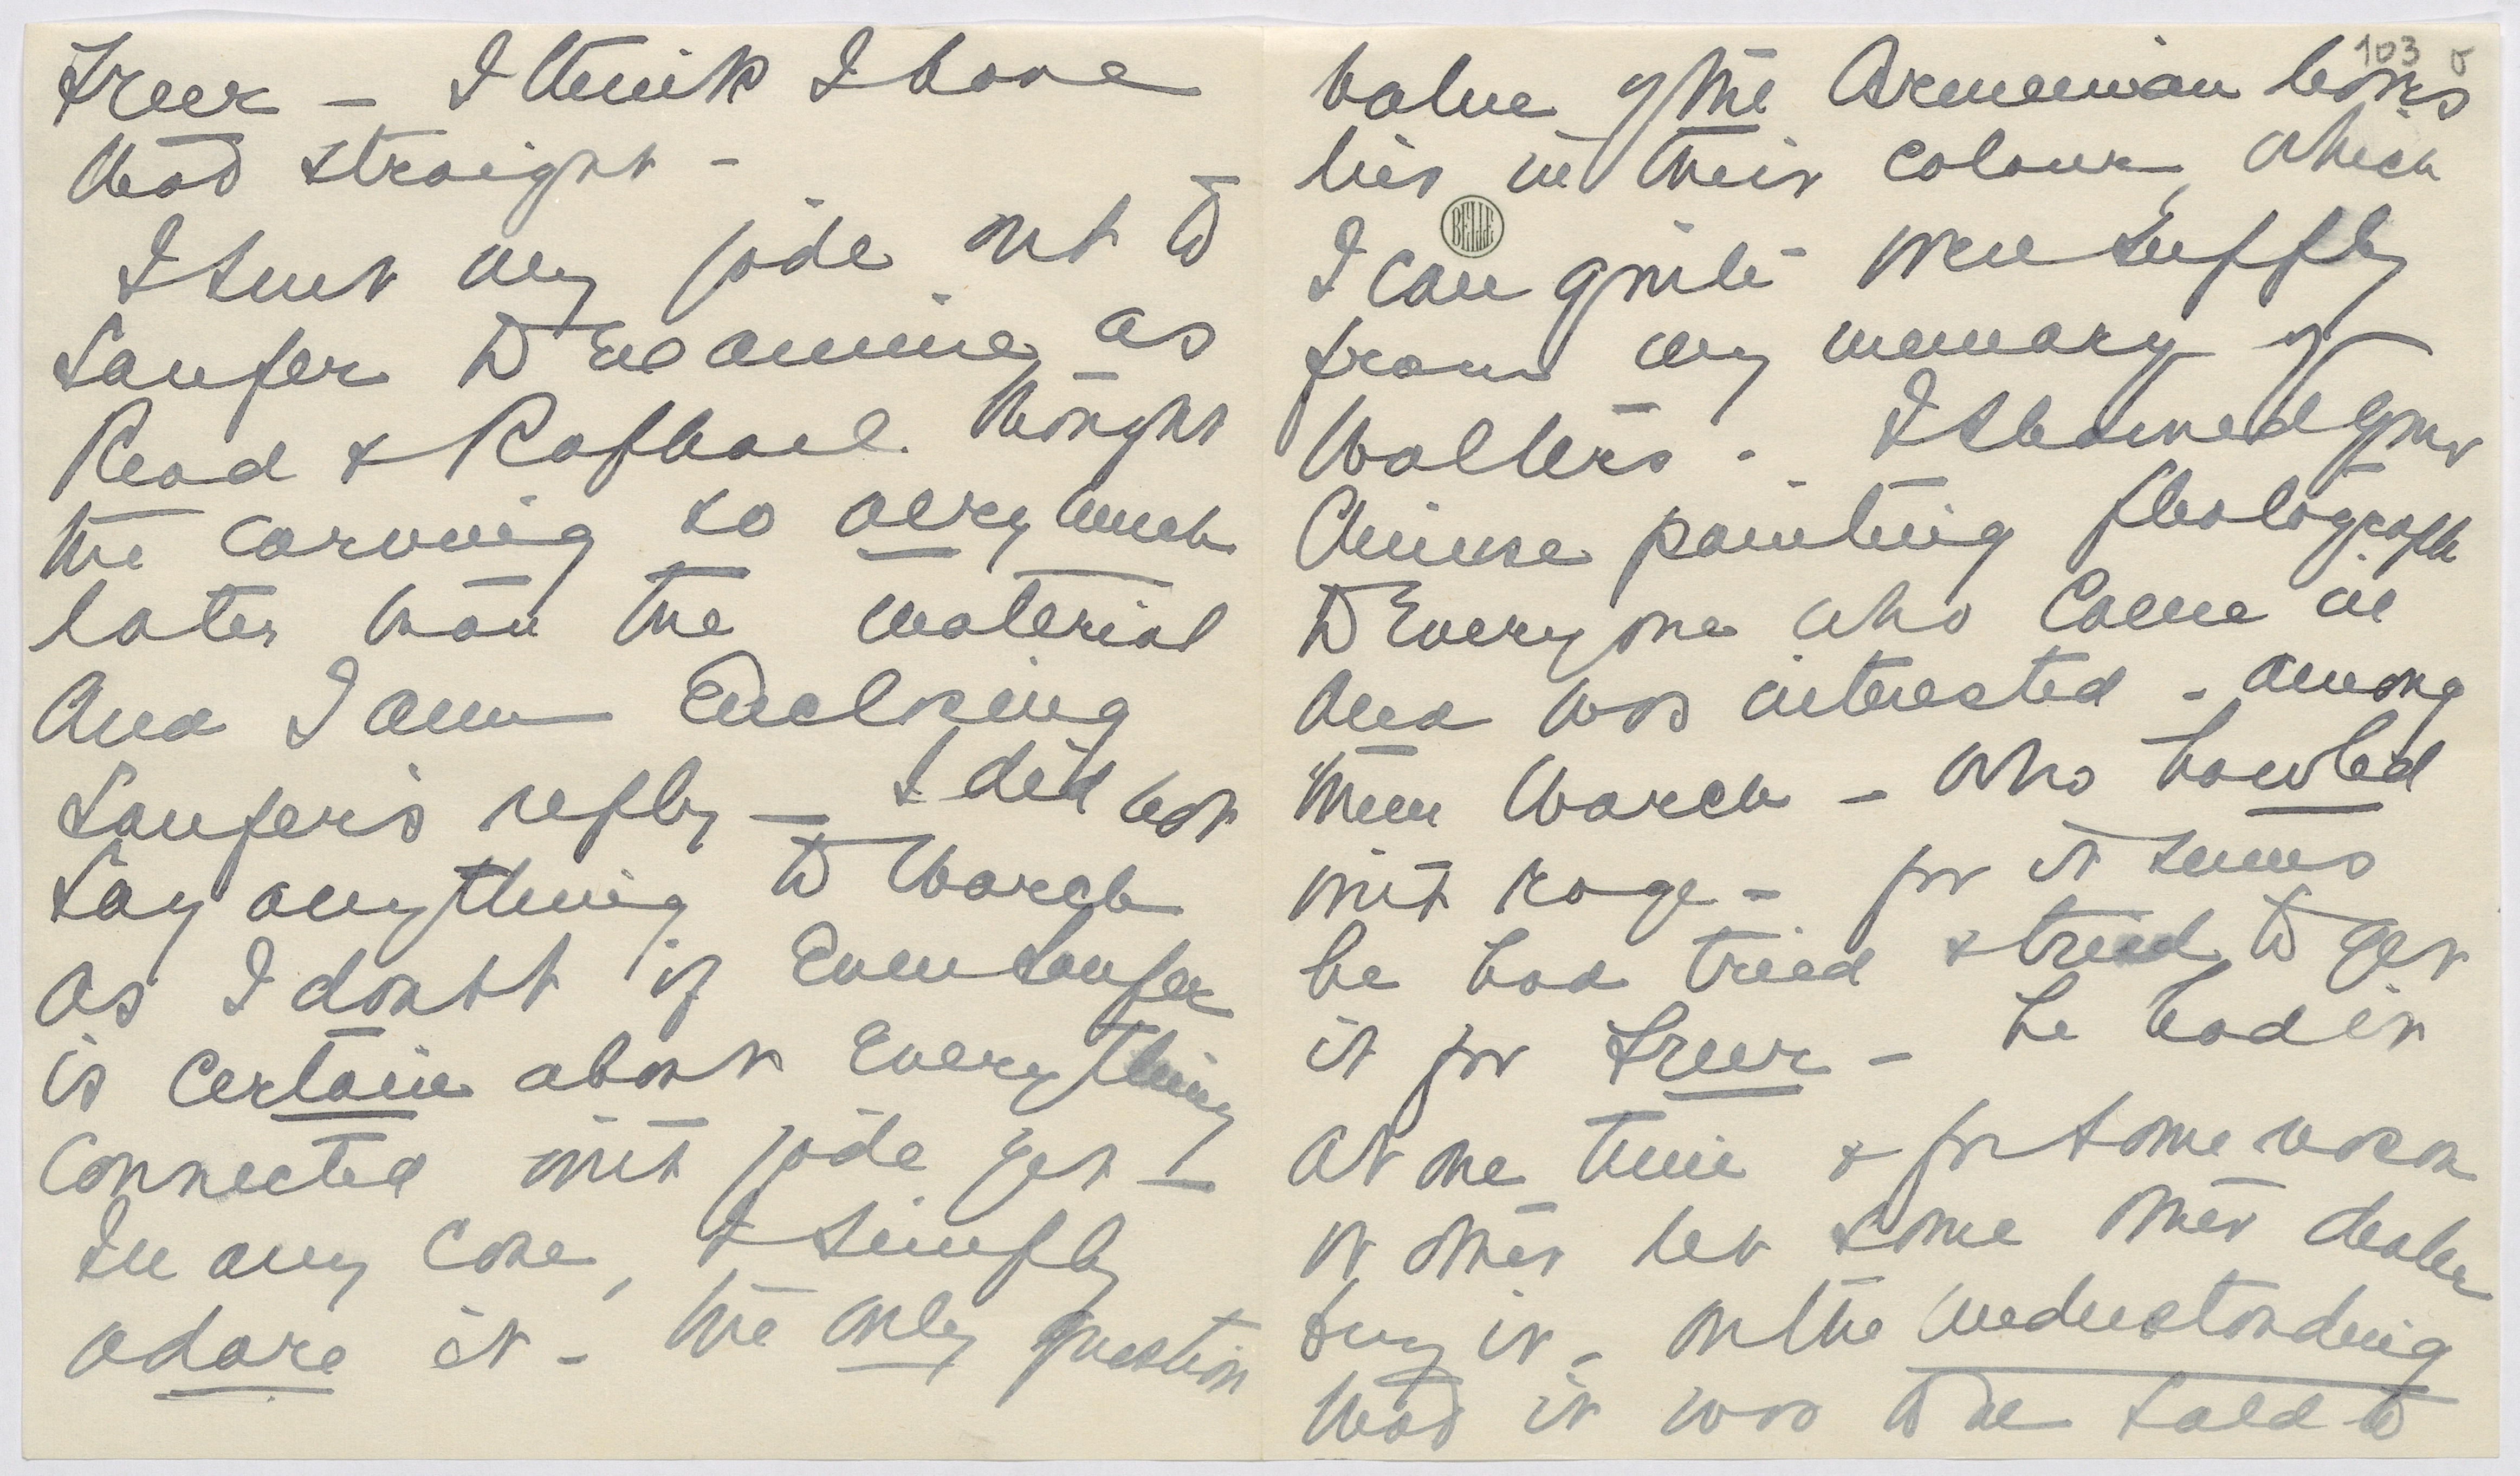value of the Armenian leaves lies in their colour which I can quite well supply from my memory of Walters – I showed your Chinese painting photograph to everyone who came in and was interested – among them Worch – who howled with rage – for it seems he had tried & tried to get it for Freer – he had it at one time & for some reason or other let some other dealer buy it – on the understanding that it was to be sold to
Freer – I think I have that straight –
I sent my jade out to Laufer to examine as Read & Raphael thought the carving so very much later than the material and I am enclosing Laufer’s reply – I did not say anything to Worch as I doubt if even Laufer is certain about everything connected with jade yet – In any case, I simply adore it – the only question